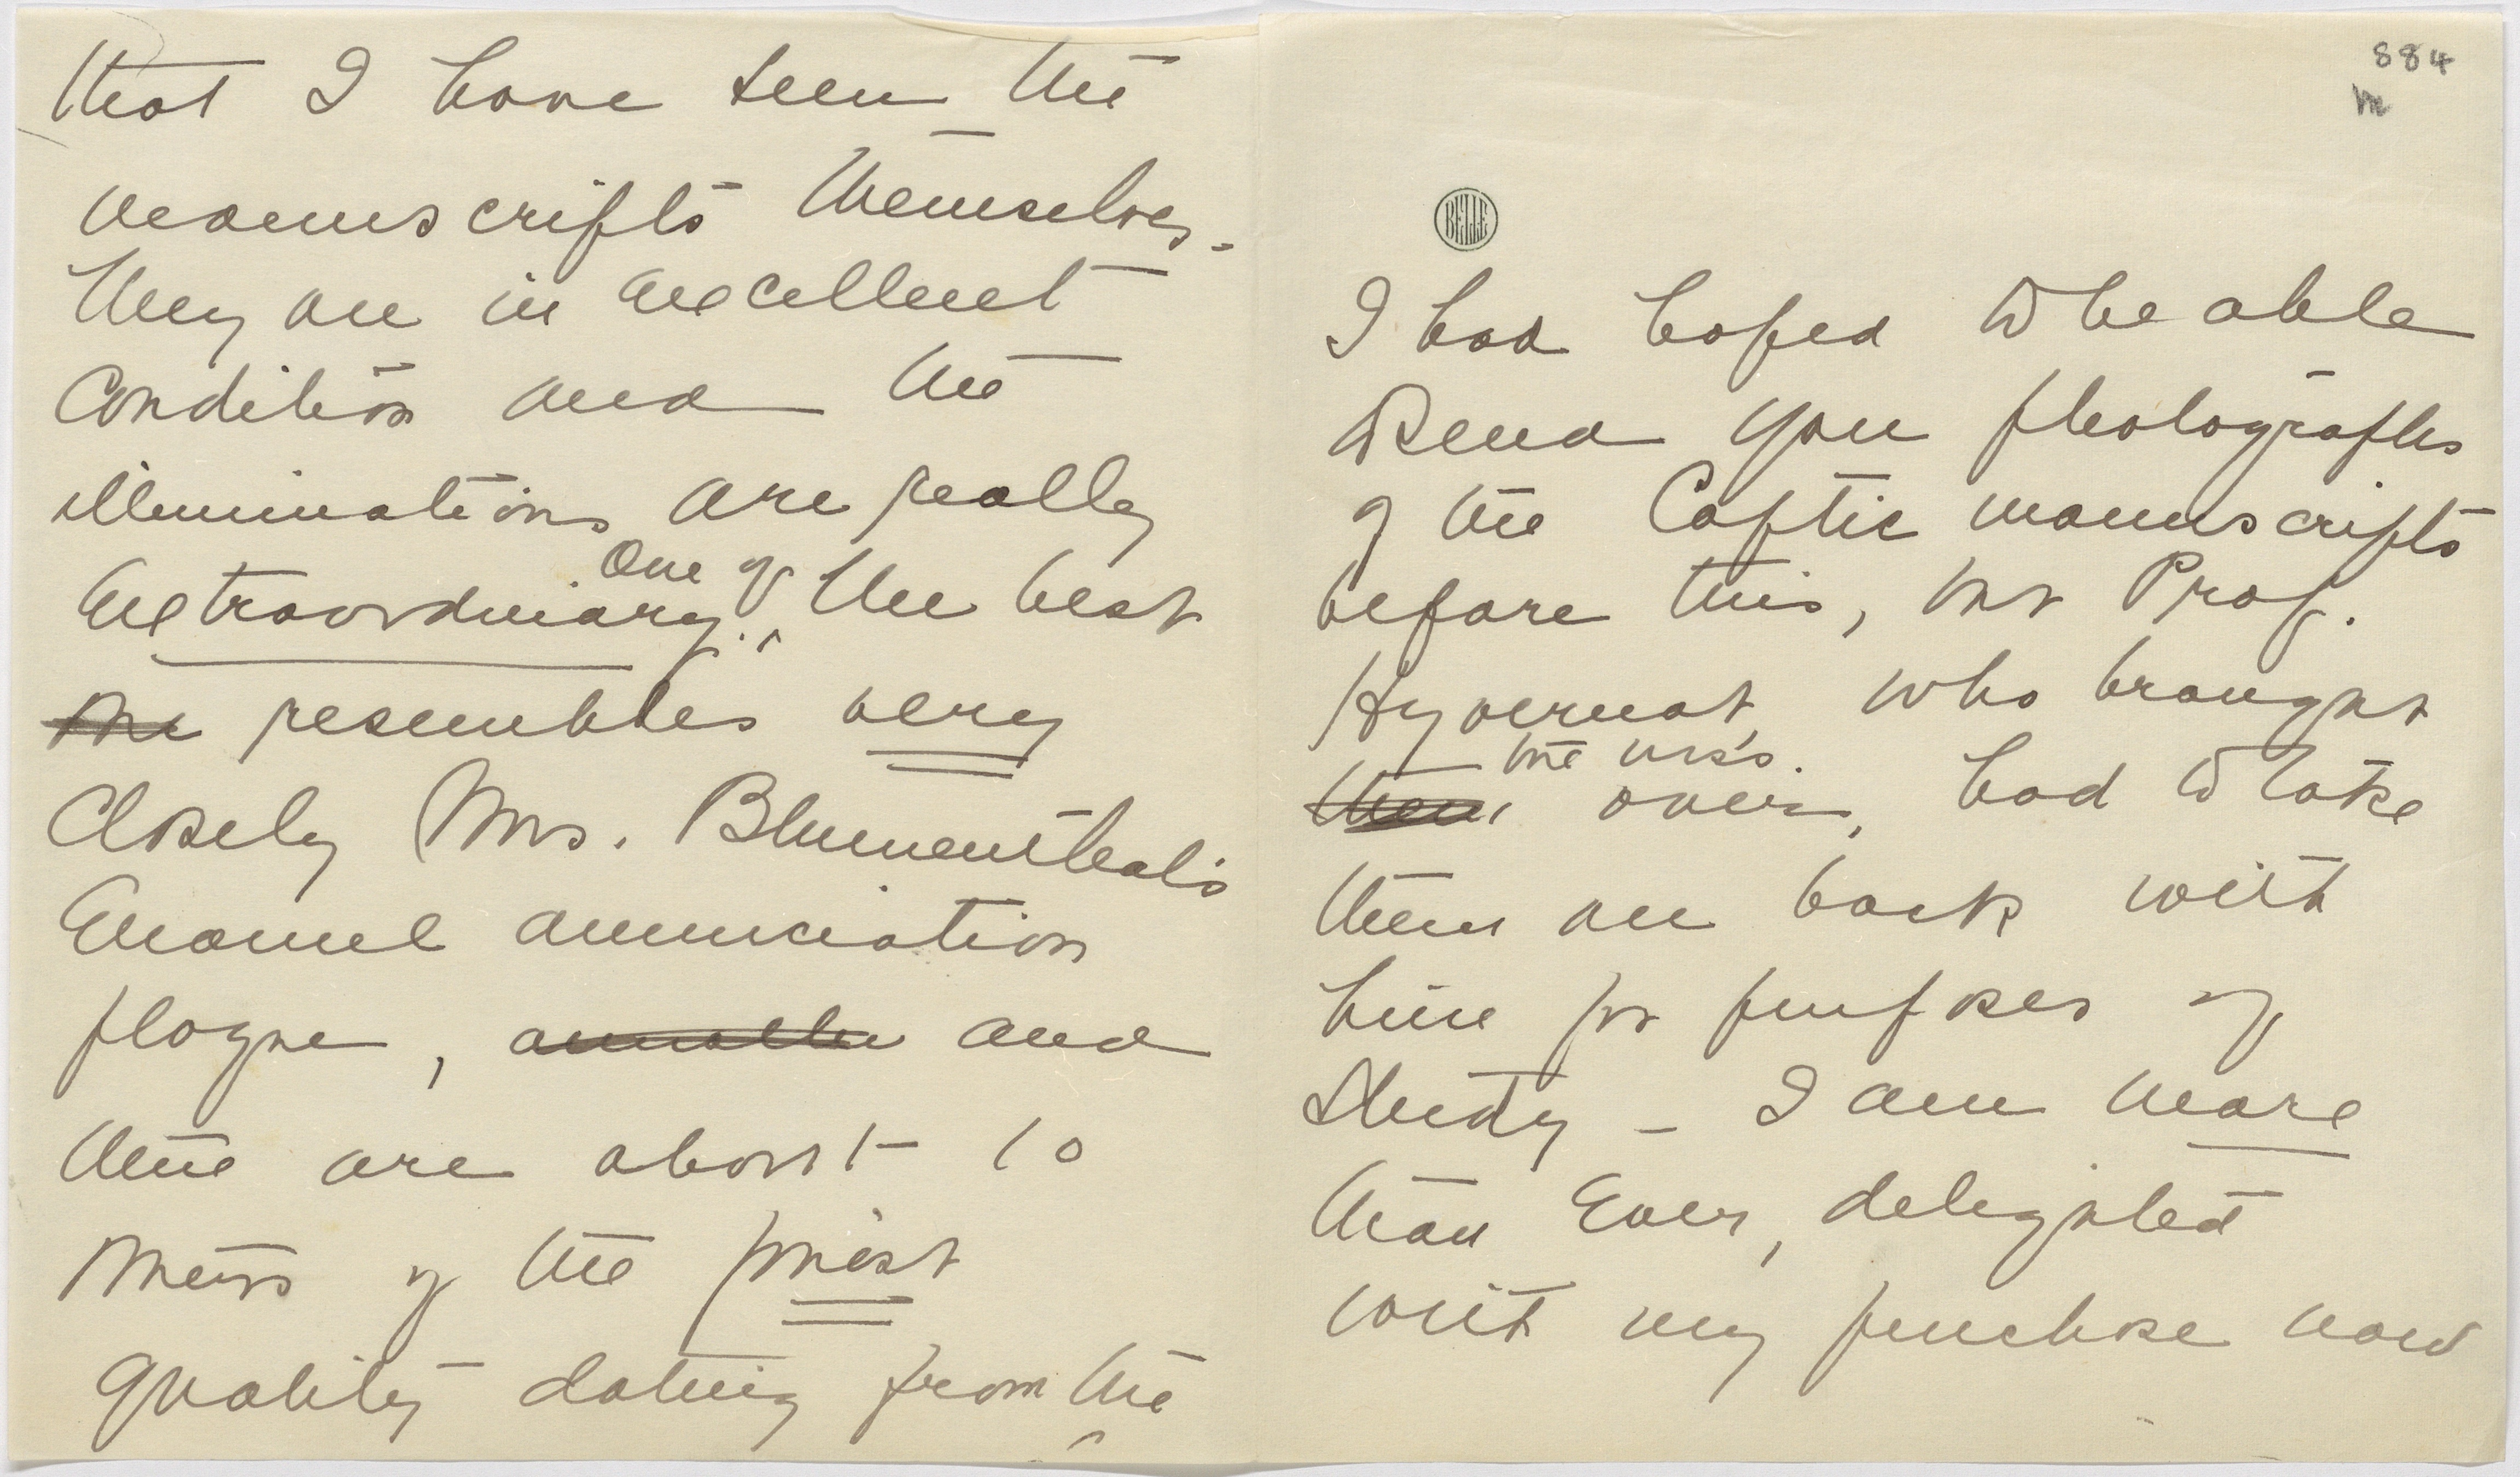I had hoped to be able to send you photographs of the Coptic manuscripts before this, but Prof. Hyvernat who brought them [ˆthe mss.ˆ] over, had to take them all back with him for purposes of study – I am more than ever, delighted with my purchase now
that I have seen the manuscripts themselves – They are in excellent condition and the illuminations are really extraordinary [ˆOne ofˆ] the best one resembles [double underlined: very] closely Mrs. Blumenthal’s enamel annunciation plaque, another and there are about 10 others of the [double underlined: finest] quality dating from the